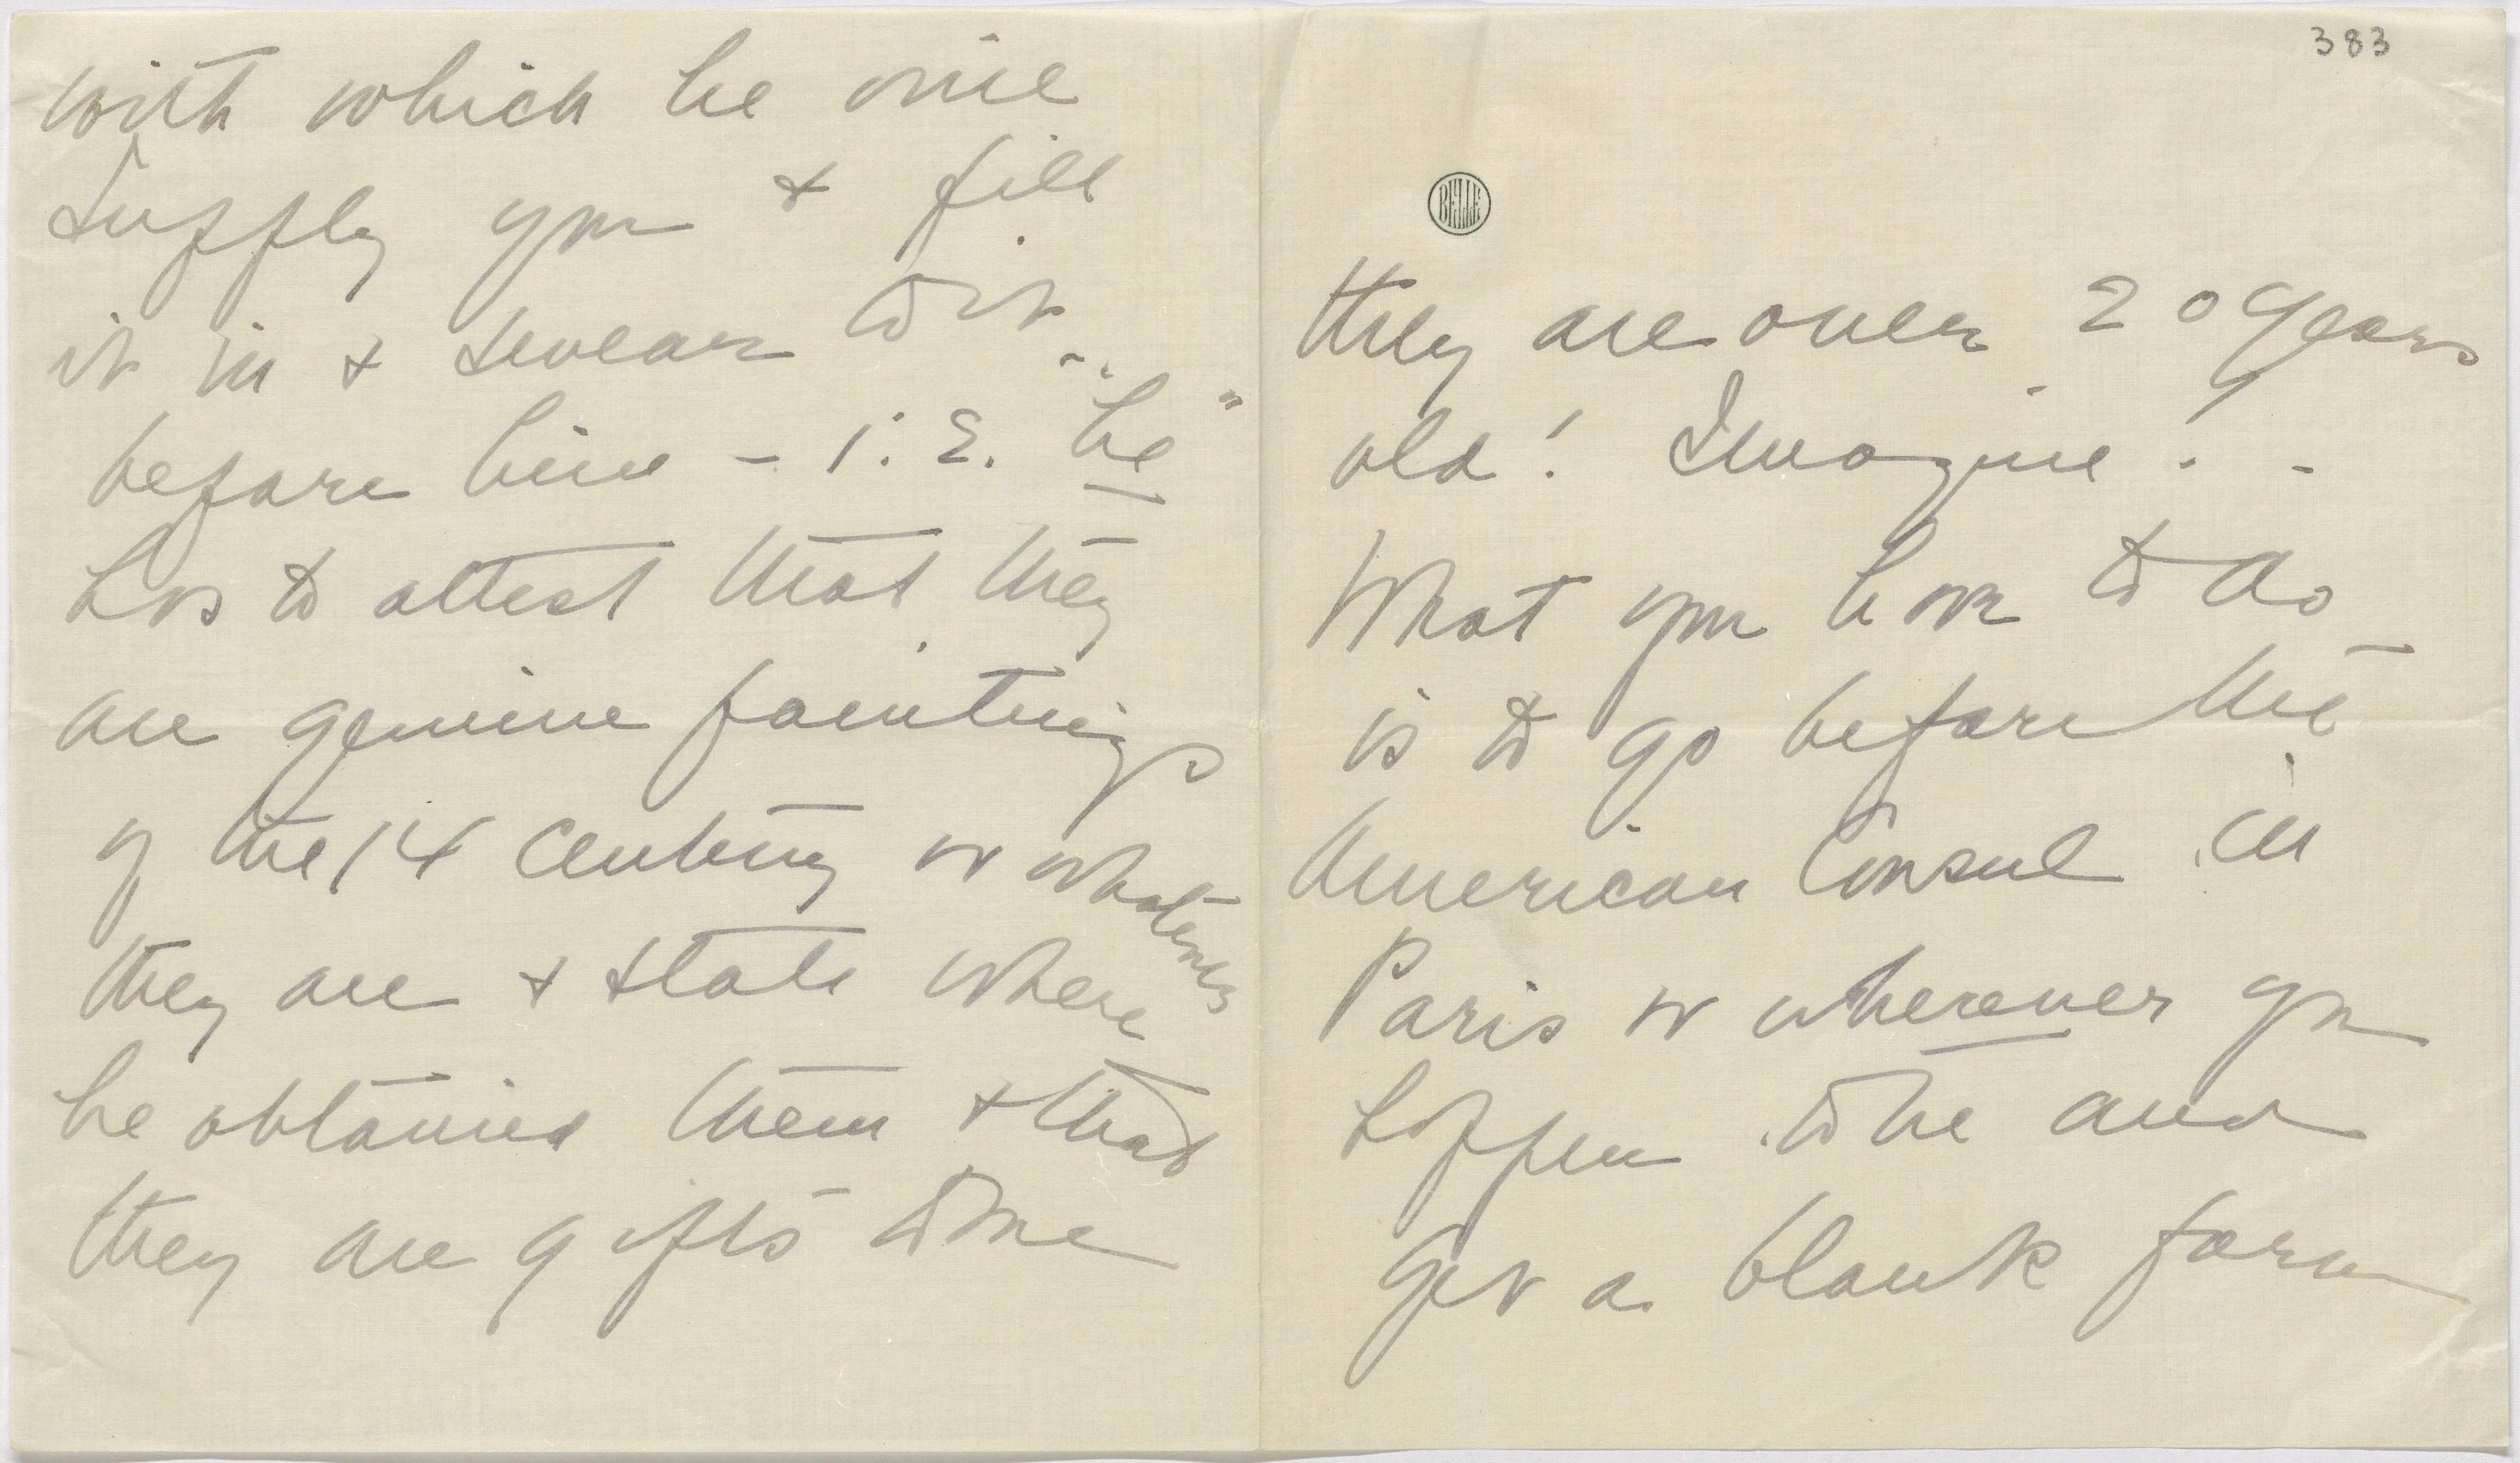they are over 20 years old! Imagine! – What you have to do is to go before the American Consul in Paris or wherever you happen to be and get a blank form
with which he will supply you & fill it in & swear to it before him – i.e. “he” has to attest that they are genuine paintings of the 14 century or whatever they are & state where he obtained them & that they are gifts to me